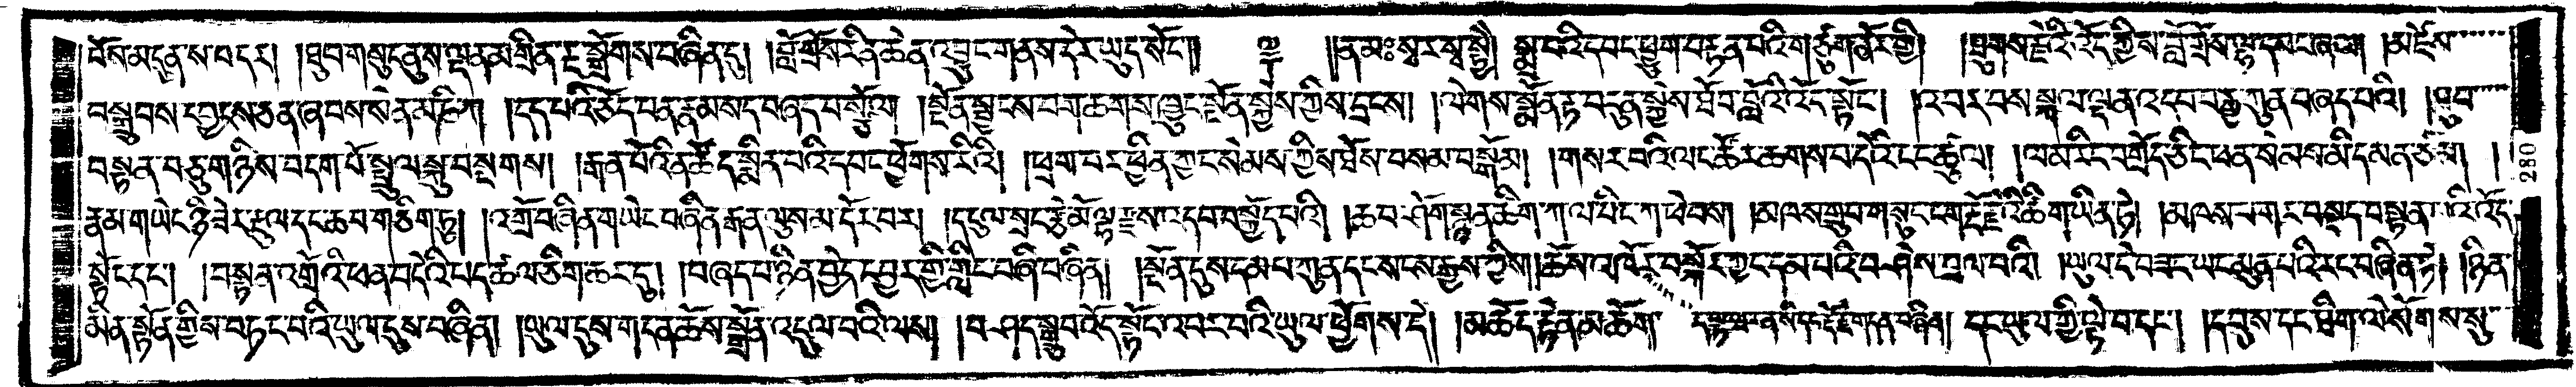པོས་དུན་ས་བདར། །ཐུབ་གསུང་ནུས་ལྡན་མགྲིན་རྔ་སྒྲོགས་བཞིན་དུ། །བློ་གྲོས་རིན་ཆེན་འབྱུང་གནས་དེར་ཡུད་སོང།། ༈ །། ན་མཿ སྭར་སྭ་སྟྱཻ། སྨྲ་བའི་དབང་ཕྱུག་བརྟན་བའི་གཙུག་ནོར་གྱི། །ཐུག་རྗེའི་འོད་ཀྱི་བློ་གྲོས་ལྷ་དང་བཞལ། །མཛེས་
བསྒྲུབས་དབྱངས་ཅན་ཞབས་སེན་མྞི་ཀ །དད་པའི་ཅོད་བན་རྣམ་སད་བཞད་པ་སྩོལ། །སྔོན་སྦྱངས་བག་ཆགས་ཁྱུང་སྔོན་སྐྱེས་ཀྱིས་དྲངས། །ལེགས་སྨོན་རྟ་བདུན་སྐྱེས་ཐོབ་བློའི་འོད་སྟོང་། །འབར་བས་སྐལ་ལྡན་འདབ་བརྒྱ་ཀུན་བཞད་བའི། ཁུང?
བསྟན་བཅུ་གཉིས་བདག་པོ་སྤྲུལ་སྐུ་བསྔགས། །རྒན་པོའི་ན་ཚོད་སྨིར་པའི་དབང་ཕྱོགས་རིའི། །ཕྲག་བར་ཕྱིན་ཀྱང་སེམས་ཀྱིས་ཐོས་བསམ་བསྒོམ། །གསར་བའི་ལང་ཚོར་ཆགས་བདེའི་ངང་ཚུལ། །ལམ་རིང་བགྲོད་ཅིང་ཕན་མི་དམན་ཙམ། །
རྣམ་གཡེང་ཉི་ཟེར་རྡུལ་དང་ཆབ་གཅིག་ཏུ། །འགྲོ་བཞིན་གཡེང་བཞིན་རྒན་ལུས་མདོར་བར། །དངུལ་སྲང་རྩེ་མོ་ལྷ་རྫས་འདབ་བསྐྱོད་པའི། །ཆབ་ཤོག་སྙན་ཚིག་ཀལ་བིང་ཀ་ཕེབས། །མཁས་གྲུབ་གསུང་ངག་རྡོ་རྗེའི་ཚིག་ཡིན་ཏེ། །མཁས་??་བསྔད་བསྟན་པའི་འོད་
སྟོང་དང་། །བསྟན་འགྲོའི་ཕན་བདེའི་པད་ཚལ་ཅིག་ཆང་དུ། །བཞད་པ་ཉིན་བྱེད་དབྱར་གྱི་གླིང་བཞི་བཞིན། །སྔོན་དུ་དམ་པ་ཀུན་དང་སངས་རྒྱས་ཀྱིས། །ཆོས་འཁོར་བསྐོར་ཀྱང་དམ་པའི་བཤེས་བྲལ་བའི། །ཡུལ་དེ་བཟང་ཡང་མུན་པའི་རང་བཞིན་ཏེ། །ཡིན་
མིན་སྟོན་གྱིས་བཏང་བའི་ཡུལ་དུས་བཞིན། །ཡུལ་དུས་གདན་ཆོས་སྒྲོན་འདུལ་བའི་ལས། །བཤད་སྒྲུབ་འོད་སྟོང་འབར་བའི་ཡུལ་ཕྱོགས་དེ། །མཆོད་རྟེན་མཆོག་ད་ལྟ་བ?་ནས་དང་རྡོ་རྗེ་གདན་བཞིན། དང་ཡུལ་གྱི་ལྟེ་བ་དང་། །དབུས་དང་ཐིག་ལེ་སོགས་སུ་